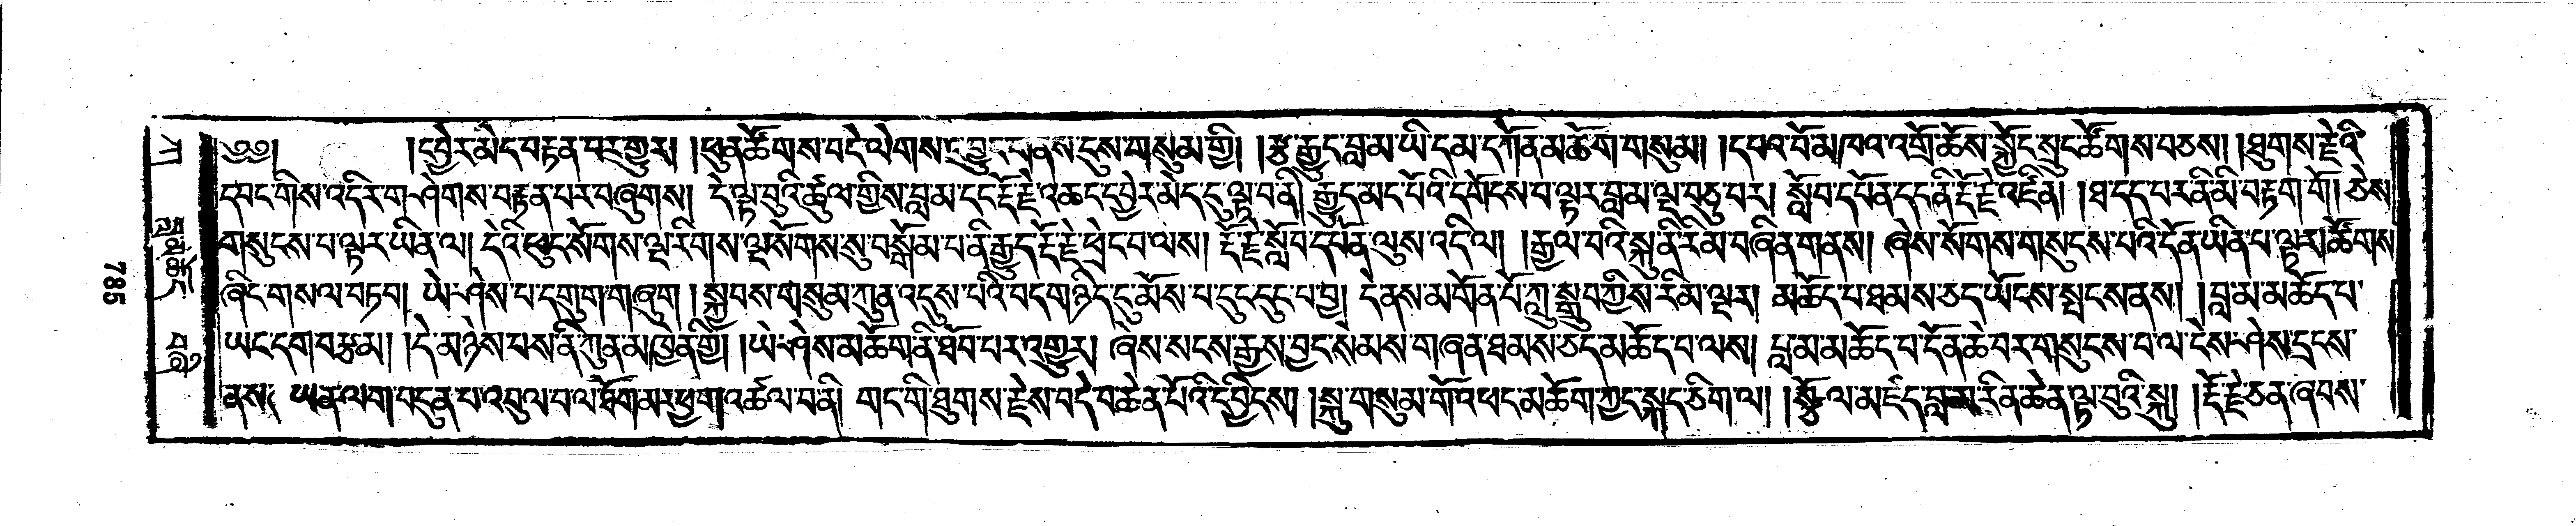༄༅། །དབྱེར་མེད་བརྟན་པར་གྱུར། །ཕུན་ཚོགས་བདེ་ལེགས་འབྱུང་གནས་དུས་གསུམ་གྱི། །རྩ་རྒྱུད་བླ་མ་ཡི་དམ་དཀོན་མཆོག་གསུམ། །དཔའ་བོ་མཁའ་འགྲོ་ཆོས་སྐྱོང་སྲུང་ཚོགས་བཅས། །ཐུགས་རྗེའི་
དབང་གིས་འདིར་གཤེགས་བརྟན་པར་བཞུགས། དེ་ལྟ་བུའི་ཚུལ་གྱིས་བླ་མ་དང་རྡོ་རྗེ་འཆང་དབྱེར་མེད་དུ་ལྟ་བ་ནི། རྒྱུད་མང་པོའི་དགོངས་པ་ལྟར་བླ་མ་ལྔ་བཅུ་པར། སློབ་དཔོན་དང་ནི་རྡོ་རྗེ་འཛིན། །ཐ་དད་པར་ནི་མི་བརྟག་གོ །ཅེས་
གསུངས་པ་ལྟར་ཡིན་ལ། དེའི་ཕུང་སོགས་ལྔ་རིགས་ལྔ་སོགས་སུ་བསྒོམ་པ་ནི་རྒྱུད་རྡོ་རྗེ་ཕྲེང་བ་ལས། རྡོ་རྗེ་སློབ་དཔོན་ལུས་འདི་ལ། །རྒྱལ་བའི་སྐུ་ནི་རིམ་བཞིན་གནས། ཞེས་སོགས་གསུངས་པའི་དོན་ཡིན་པ་ལྟར། ཚོགས་
ཞིང་གསལ་བཏབ། ཡེ་ཤེས་པ་དགུག་གཞུག །སྐྱབས་གསུམ་ཀུན་འདུས་པའི་བདག་ཉིད་དུ་མོས་པ་དུང་དུང་པ་བྱ། དེ་ནས་མགོན་པོ་ཀླུ་སྒྲུབ་ཀྱིས་རིམ་ལྔར། མཆོད་པ་ཐམས་ཅད་ཡོངས་སྤངས་ནས། །བླ་མ་མཆོད་པ་
ཡང་དག་བརྩམ། །དེ་མཉེས་པས་ནི་ཀུན་མཁྱེན་གྱི། །ཡེ་ཤེས་མཆོག་ནི་ཐོབ་པར་འགྱུར། ཞེས་སངས་རྒྱས་བྱང་སེམས་གཞན་ཐམས་ཅད་མཆོད་པ་ལས། བླ་མ་མཆོད་པ་དོན་ཆེ་བར་གསུངས་པ་ལ་ངེས་ཤེས་དྲངས་
ནས། ཡན་ལག་བདུན་པ་འབུལ་བ་ལ་ཐོག་མར་ཕྱག་འཚལ་བ་ནི། གང་གི་ཐུགས་རྗེས་བདེ་བ་ཆེན་པོའི་དབྱིངས། །སྐུ་གསུམ་གོ་འཕང་མཆོག་ཀྱང་སྐད་ཅིག་ལ། །སྩོལ་མཛད་བླ་མ་རིན་ཆེན་ལྟ་བུའི་སྐུ། །རྡོ་རྗེ་ཅན་ཞབས་